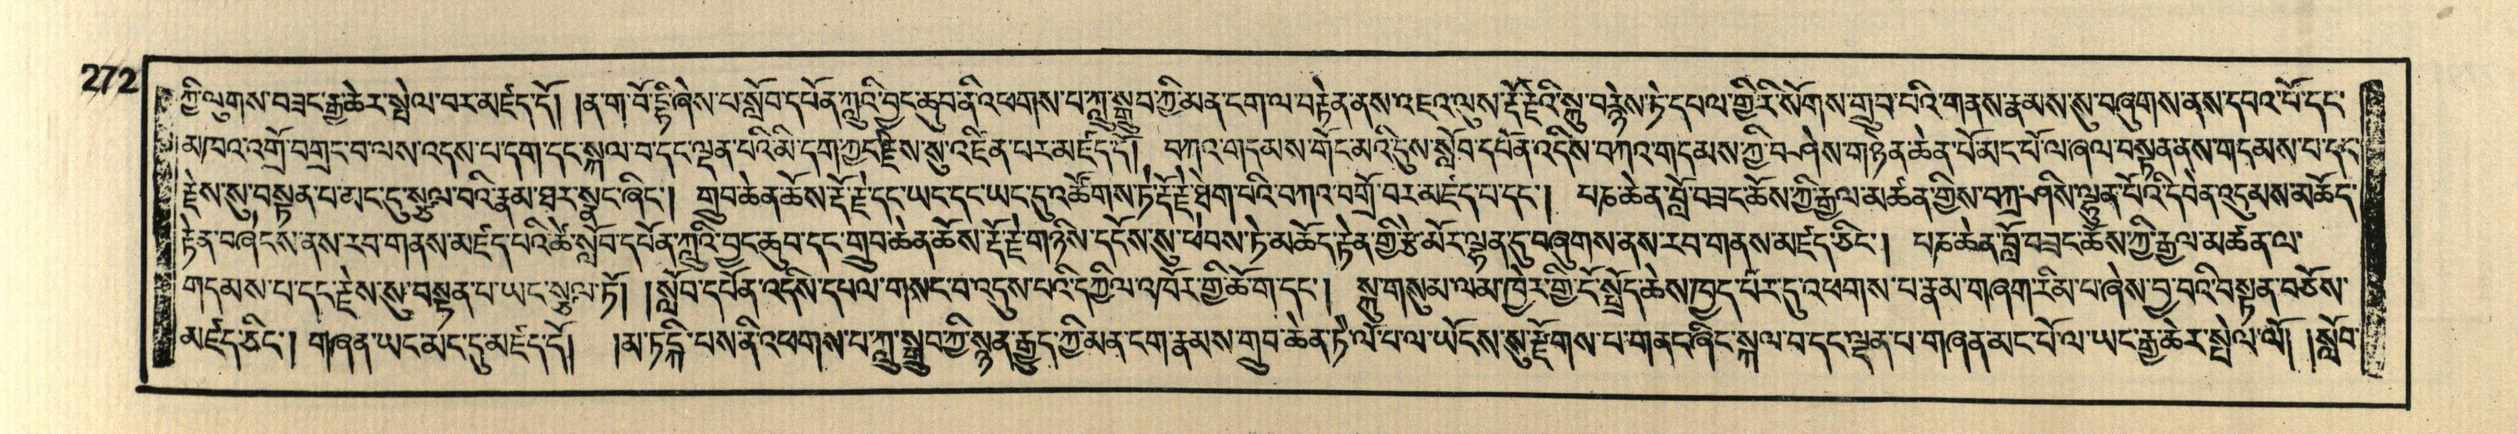ཀྱི་ལུགས་བཟང་རྒྱ་ཆེར་སྤེལ་བར་མཛད་དོ། །ན་ག་བོ་དྷི་ཞེས་པ་སློབ་དཔོན་ཀླུའི་བྱང་ཆུབ་ནི་འཕགས་པ་ཀླུ་སྒྲུབ་ཀྱི་མན་ངག་ལ་བརྟེན་ནས་འཇའ་ལུས་རྡོ་རྗེའི་སྐུ་བརྙེས་ཏེ་དཔལ་གྱི་རི་སོགས་གྲུབ་པའི་གནས་རྣམས་སུ་བཞུགས་ནས་དཔའ་བོ་དང་
མཁའ་འགྲོ་བགྲང་བ་ལས་འདས་པ་དག་དང་སྐལ་བ་དང་ལྡན་པའི་མི་དག་ཀྱང་རྗེས་སུ་འཛིན་པར་མཛད་དོ། བཀའ་གདམས་གོང་མའི་དུས་སློབ་དཔོན་འདིས་བཀའ་གདམས་ཀྱི་བཤེས་གཉེན་ཆེན་པོ་མང་པོ་ལ་ཞལ་བསྟན་ནས་གདམས་པ་དང་
རྗེས་སུ་བསྟན་པ་མང་དུ་སྩལ་བའི་རྣམ་ཐར་སྣང་ཞིང་། གྲུབ་ཆེན་ཆོས་རྡོ་རྗེ་དང་ཡང་དང་ཡང་དུ་འཚོགས་ཏེ་རྡོ་རྗེ་ཐེག་པའི་བཀའ་བགྲོ་བར་མཛད་པ་དང་། པཎ་ཆེན་བློ་བཟང་ཆོས་ཀྱི་རྒྱལ་མཚན་གྱིས་བཀྲ་ཤིས་ལྷུན་པོའི་དབེན་འདུམས་མཆོད་
རྟེན་བཞེངས་ནས་རབ་གནས་མཛད་པའི་ཚེ་སློབ་དཔོན་ཀླུའི་བྱང་ཆུབ་དང་གྲུབ་ཆེན་ཆོས་རྡོ་རྗེ་གཉིས་དངོས་སུ་ཕེབས་ཏེ་མཆོད་རྟེན་གྱི་རྩེ་མོར་ལྷན་དུ་བཞུགས་ནས་རབ་གནས་མཛད་ཅིང་། པཎ་ཆེན་བློ་བཟང་ཆོས་ཀྱི་རྒྱལ་མཚན་ལ་
གདམས་པ་དང་རྗེས་སུ་བསྟན་པ་ཡང་སྩལ་ཏོ། །སློབ་དཔོན་འདིས་དཔལ་གསང་བ་འདུས་པའི་དཀྱིལ་འཁོར་གྱི་ཆོ་ག་དང་། སྐུ་གསུམ་ལམ་ཁྱེར་གྱི་ངོ་སྤྲོད་ཆེས་ཁྱད་པར་དུ་འཕགས་པ་རྣམ་གཞག་རིམ་པ་ཞེས་བྱ་བའི་བསྟན་བཅོས་
མཛད་ཅིང་། གཞན་ཡང་མང་དུ་མཛད་དོ། །མ་ཏངྐི་པས་ནི་འཕགས་པ་ཀླུ་སྒྲུབ་ཀྱི་སྙན་རྒྱུད་ཀྱི་མན་ངག་རྣམས་གྲུབ་ཆེན་ཏཻ་ལོ་པ་ལ་ཡོངས་སུ་རྫོགས་པ་གནང་ཞིང་སྐལ་བ་དང་ལྡན་པ་གཞན་མང་པོ་ལ་ཡང་རྒྱ་ཆེར་སྤེལ་ལོ། །སློབ་